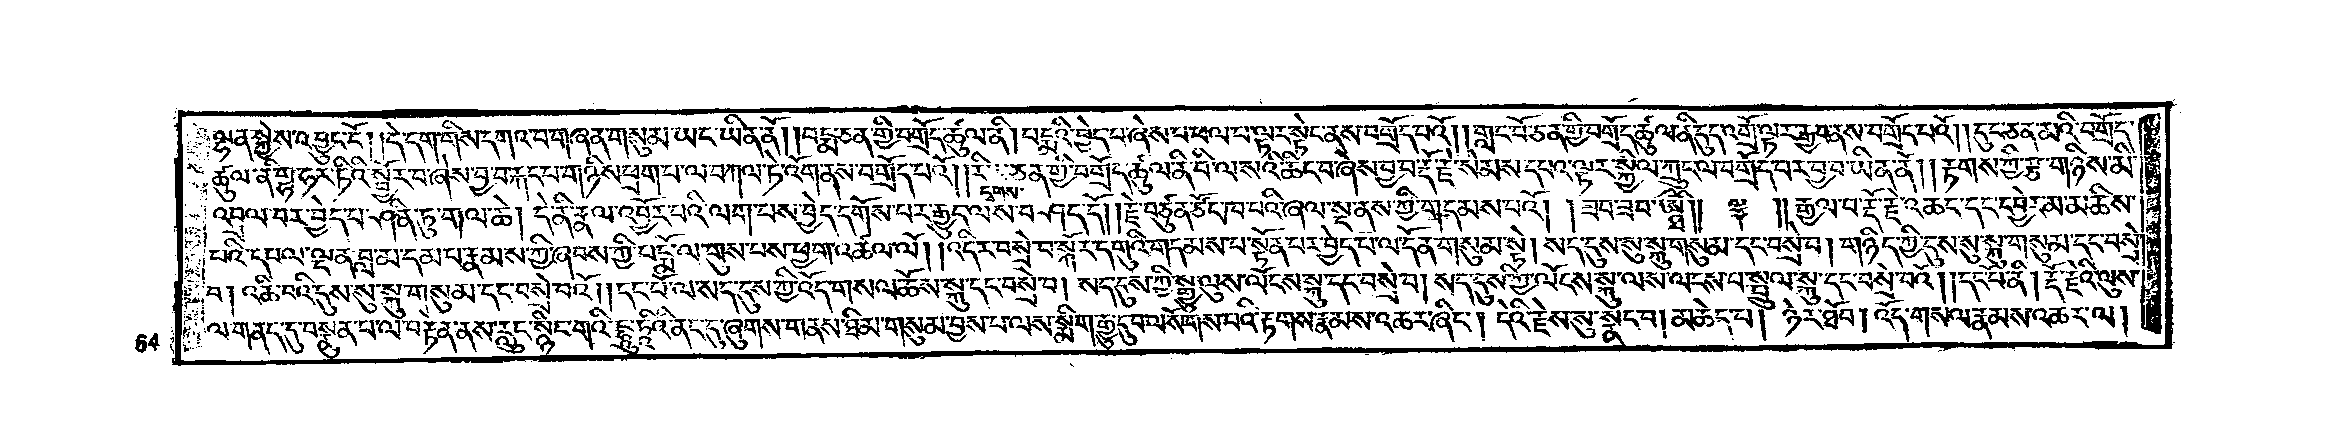ལྷན་སྐྱེས་འབྱུང་ངོ། །དེ་དག་གིས་དགའ་བ་གཞན་གསུམ་ཡང་ཡིན་ནོ། །པདམ་ཅན་གྱི་བགྲོད་ཚུལ་ནི། པདམའི་བྱེད་པ་ཞེས་པ་ཕལ་པ་ལྟར་སྟེང་ནས་བགྲོད་པའོ། །གླང་པོ་ཅན་གྱི་བགྲོད་ཚུལ་ནི་དུད་འགྲོ་ལྟར་རྒྱབ་ནས་བགྲོད་པའོ། །དུང་ཅན་མའི་བགྲོད་
ཚུལ་ནི་བྷ་ཧར་ཏིའི་སྦྱོར་བ་ཞེས་བྱ་བ་རྐང་པ་གཉིས་ཕྲག་པ་ལ་བཀལ་ཏེ་འོག་ནས་བགྲོད་པའོ། །རི་དྭགས་ཅན་གྱི་བགྲོད་ཚུལ་ནི་བི་ལ་སའི་ཆིང་བ་ཞེས་བྱ་བ་རྡོ་རྗེ་སེམས་དཔའ་ལྟར་སྐྱིལ་ཀྲུང་ལ་བགྲོད་པར་བྱ་བ་ཡིན་ནོ། །རྟགས་ཀྱི་རྩ་གཉིས་མི་
འབྲལ་བར་བྱེད་པ་ཤིན་ཏུ་གལ་ཆེ། དེ་ནི་རྣལ་འབྱོར་པའི་ལག་པས་བྱེད་དགོས་པར་རྒྱུད་ལས་བཤད་དོ། །རྗེ་བཙུན་ཙོང་ཁ་པའི་ཞལ་སྔ་ནས་ཀྱི་གདམས་པའོ། །ཟབ་ཟབ་ཨྀཐི།། ༈ །།རྒྱལ་བ་རྡོ་རྗེ་འཆང་དང་དབྱེར་མ་མཆིས་
པའི་དཔལ་ལྡན་བླ་མ་དམ་པ་རྣམས་ཀྱི་ཞབས་ཀྱི་པདམོ་ལ་གུས་པས་ཕྱག་འཚལ་ལོ། །འདིར་བསྲེ་བ་སྐོར་དགུའི་གདམས་པ་སྟོན་པར་བྱེད་པ་ལ་དོན་གསུམ་སྟེ། སད་དུས་སུ་སྐུ་གསུམ་དང་བསྲེ་བ། གཉིད་ཀྱི་དུས་སུ་སྐུ་གསུམ་དང་བསྲེ་
བ། འཆི་བའི་དུས་སུ་སྐུ་གསུམ་དང་བསྲེ་བའོ། །དང་པོ་ལ་སད་དུས་ཀྱི་འོད་གསལ་ཆོས་སྐུ་དང་བསྲེ་བ། སད་དུས་ཀྱི་སྒྱུ་ལུས་ལོངས་སྐུ་དང་བསྲེ་བ། སད་དུས་ཀྱི་ལོངས་སྐུ་ལས་ལངས་པ་སྤྲུལ་སྐུ་དང་བསྲེ་བའོ། །དང་པོ་ནི། རྡོ་རྗེའི་ལུས་
ལ་གནད་དུ་བསྣུན་པ་ལ་བརྟེན་ནས་རླུང་སྙིང་གའི་དྷཱུ་ཏཱིའི་ནང་དུ་ཞུགས་གནས་ཐིམ་གསུམ་བྱས་པ་ལས་སྨིག་རྒྱུ་དུ་བ་ལ་སོགས་པའི་རྟགས་རྣམས་འཆར་ཞིང་། དེའི་རྗེས་སུ་སྣང་བ། མཆེད་པ། ཉེར་ཐོབ། འོད་གསལ་རྣམས་འཆར་ལ།